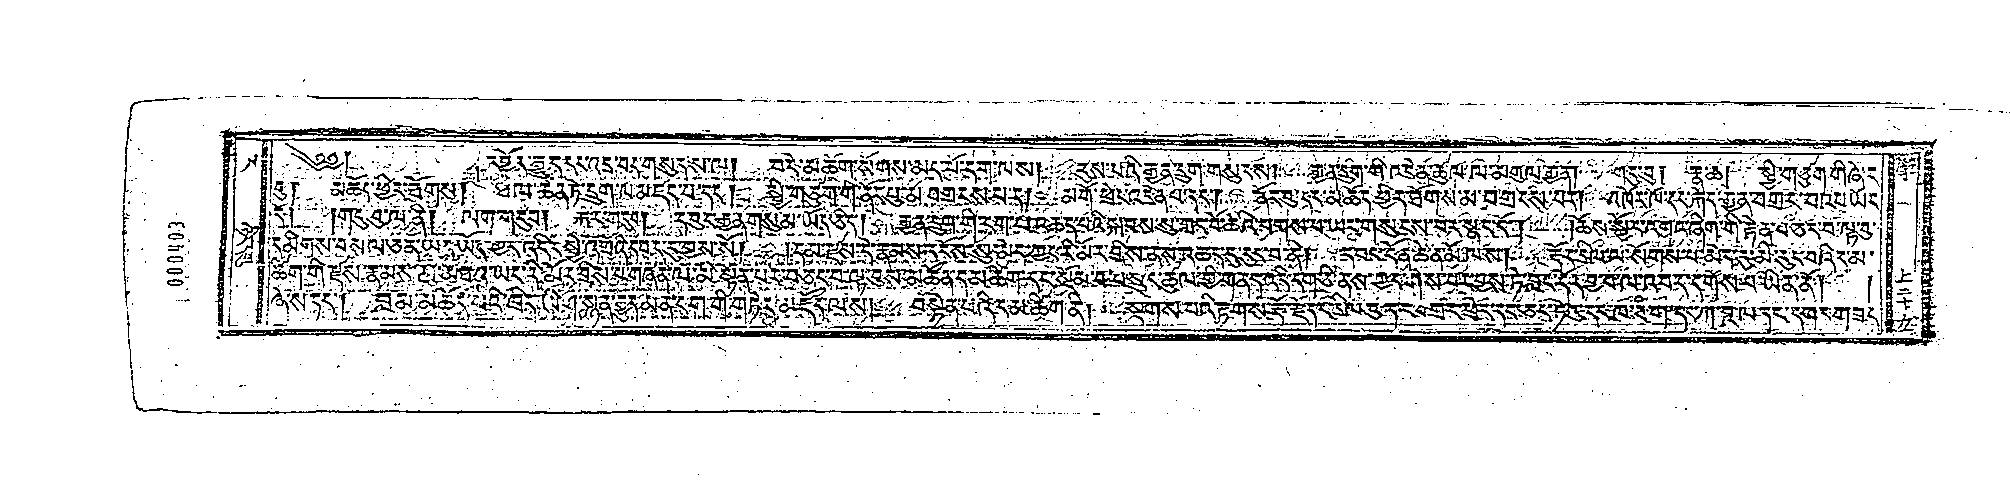༄༅། །འབྱོར་རྒྱུད་དང་འདྲ་བར་གསུངས་ལ། བདེ་མཆོག་སོགས་མང་པོ་དག་ལས། རུས་པའི་རྒྱན་དྲུག་གསུངས། རྒྱན་དྲུག་གི་འདྲེན་ཚུལ་ལ་མགུལ་རྒྱན། གདུ་བུ། རྣ་ཆ། སྤྱི་གཙུག་གི་ཞེང་
བུ། མཆོད་ཕྱིར་ཐོགས། ཐལ་ཆེན་ཏེ་དྲུག་ལ་མཛད་པ་དང་། སྤྱི་གཙུག་གི་ནོར་བུ་མ་བགྲངས་པར། མགོ་ཕྲེང་འདྲེན་པ་དང་། ནོར་བུ་དང་མཆོད་ཕྱིར་ཐོགས་མ་བགྲངས་པར། འཁོར་ལོ་དང་རྐེད་རྒྱན་བགྲང་བའང་ཡོང་
དོ། །གདུ་བུ་ལ་ནི། ལག་གདུབ། རྐང་གདུབ། དབུང་རྒྱན་གསུམ་ཡོད་ཅིང་། རྒྱན་དྲུག་གི་དག་པ་འཆད་པའི་སྐབས་སུ་གླང་བོ་ཆེའི་པགས་པ་ཡང་གསུངས་པར་སྣང་ངོ། །ཆོས་སྐྱོང་འགའ་ཞིག་གི་རྟེན་བཅད་བ་ལྟ་བུ་
དམིགས་བསལ་ཅན་ཡང་ཡོད་ཀྱང་འདིར་སྦྱི་འགྲོའི་དབང་དུ་བྱས་སོ། །དམ་རྫས་དེ་རྣམས་དངོས་སུ་མེད་ཀྱང་རི་མོར་བྲིས་ནས་འཆད་དུ་རུང་བ་ནི། དབང་དོན་ཆེན་མོ་ལས། རྡོར་དྲིལ་ལ་སོགས་པ་མེད་དུ་མི་རུང་བའི་དམ་
ཚིག་གི་རྫས་རྣམས་ནས་མཐའ་ཡང་རི་མོར་བྲིས་པ་གཞན་ལ་མི་སྟོན་པར་བཅད་བ་ལྟ་བུས་མཚོན་དམ་ཚིག་དང་སྡོམ་པ་བསྲུང་ཚུལ་གྱི་གནད་འདི་དག་ཅི་ནས་ཀྱང་ཤེས་པར་བྱས་ཏེ་བླང་དོར་བྱ་བ་ལ་འབད་དགོས་པ་ཡིན་ནོ། །
ཞེས་དང་། བླ་མ་མཆོད་པའི་ཁྲིད་ཡིག་སྙན་རྒྱུད་མན་ངག་གི་གཏེར་མཛོད་ལས། བསྟེན་པའི་དམ་ཚིག་ནི། སྔགས་པའི་རྟགས་རྡོ་རྗེ་དང་དྲིལ་བུ་དང་བགྲང་ཕྲེང་དང་ཅང་ཏེའུ་དང་ཁ་ཊཾ་ག་དང་ཀ་བཱ་ལ་དང་དགང་གཟང་